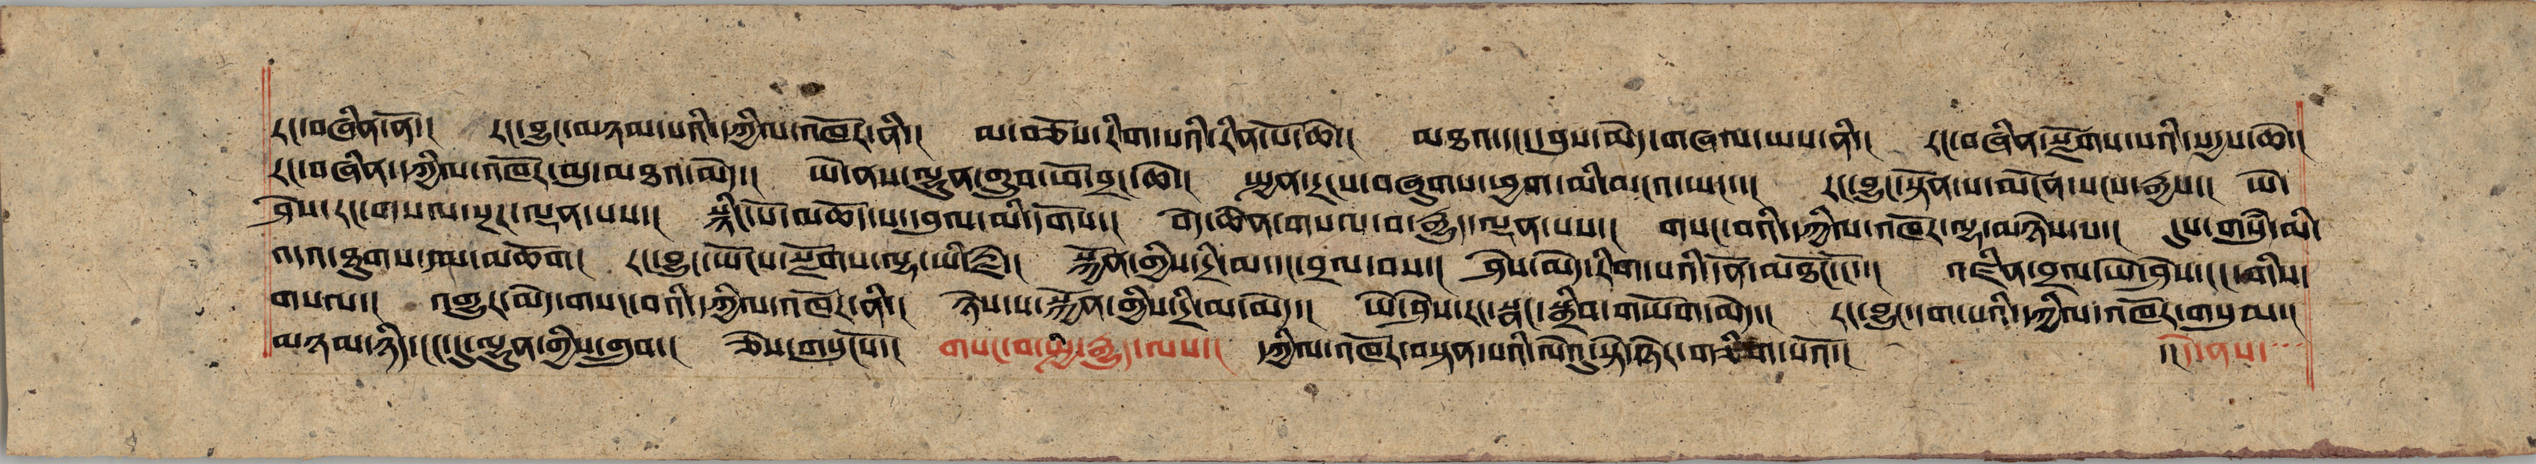རང་བཞིན་ནོ་། རང་བྱུང་མཉམ་པའི་དཀྱིལ་འཁོར་ནི་། མ་བཅོས་རིག་པའི་རིན་པོ་ཆེ་། མཐའ་དང་དབུས་མེད་གཞལ་ཡས་ནི་། རང་བཞིན་སྫོགས་པའི་སདྱས་ཆེ་།
རང་བཞིན་དཀྱིལ་འཁོར་མུ་མཐའ་མེད་། ཡེ་ནས་ལྷུན་གྲུབ་ཕོ་བྲང་ཆེ་། སྤྱན་དྲངས་བཞུགས་ཕྱག་མི་མངའ་ཡང་་། རང་བྱུང་སྟོན་པ་མངོན་སངས་རྒྱས་། ཡེ་
ཤེས་རང་གསལ་སྔཌ་ལྡན་པས་། སྙིང་པོ་མཆོད་པ་དབུལ་མི་དགོས་། བདེ་ཆེན་གསལ་བ་རྒྱུད་ལྡན་པས་། གསང་བའི་དཀྱིལ་འཁོར་ལྷ་མཉེས་པ་། དུས་གསུཾ་མི་
འདའ་ཐུགས་དམ་མཆོག། རང་བྱུང་ཡོངས་སྫོགས་ལྷ་ཡི་རྗེ་། སྐྱོན་གྱིས་དྲི་མ་དང་བྲལ་བས་། ཤེས་མེད་རིག་པའི་དོན་མཐོང་ངོ་་། འཛིན་བྲལ་ཡེ་ཤེས་ངང་གིས་
གསལ་། འགྱུར་མེད་གསང་བའི་དཀྱིལ་འཁོར་ནི་། ཉེས་པ་སྐྱོན་གྱིས་དྲི་མ་མེད་། ཡེ་ཤེས་རང་སྣང་སྒྲིབ་གཡོག་མེད་། རང་བྱུང་དག་པའི་དཀྱིལ་འཁོར་གསུམ་།
མཉམ་ཉིད་ངང་དུ་ལྷུན་གྱིས་གྲུབ་། ཅེས་གསུངསོ་། གསང་བ་སྤྱི་རྒྱུད་ལས་། དཀྱིལ་འཁོར་བསྟན་པའི་ལེའུ་སྟེ་ཉེར་གཅིག་པའོ་།